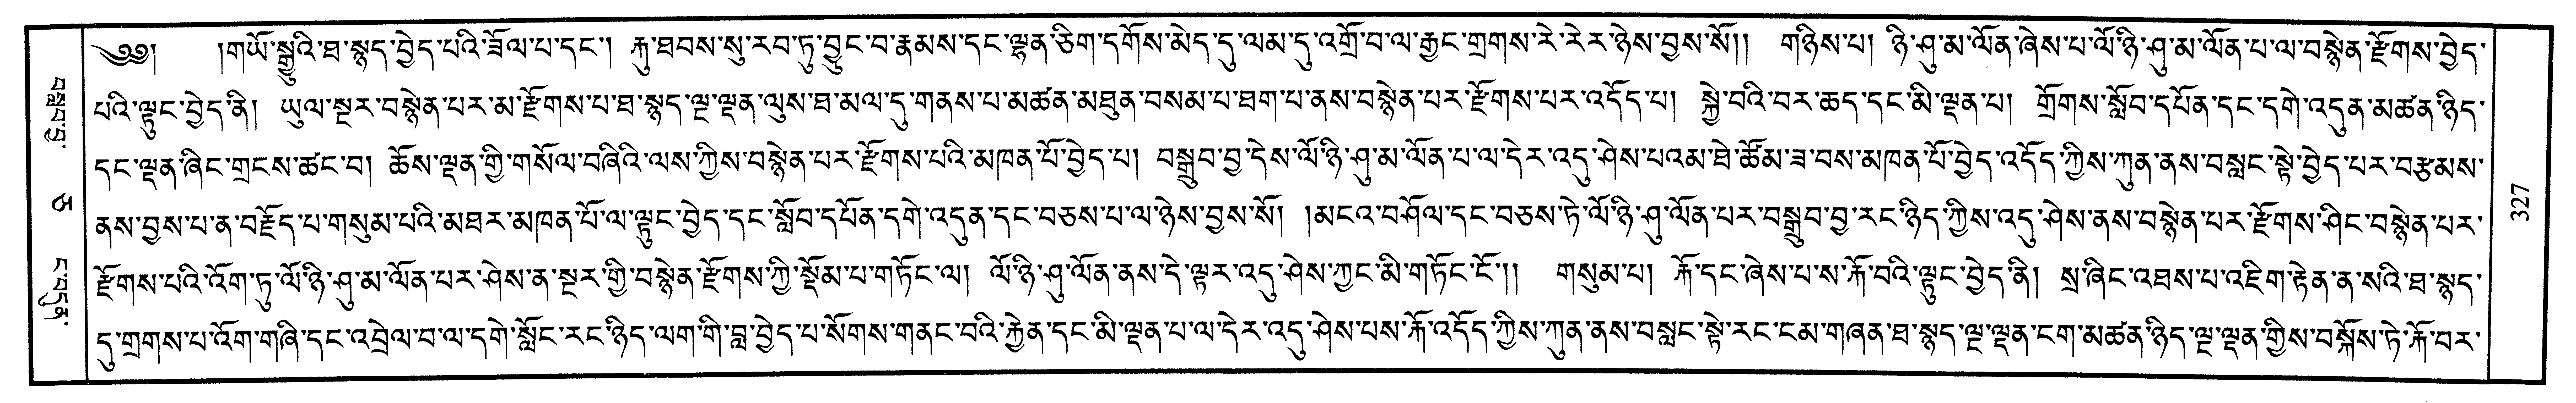༄༅། །གཡོ་སྒྱུའི་ཐ་སྙད་བྱེད་པའི་ཟོལ་པ་དང་། རྐུ་ཐབས་སུ་རབ་ཏུ་བྱུང་བ་རྣམས་དང་ལྷན་ཅིག་དགོས་མེད་དུ་ལམ་དུ་འགྲོ་བ་ལ་རྒྱང་གྲགས་རེ་རེར་ཉེས་བྱས་སོ།། གཉིས་པ། ཉི་ཤུ་མ་ལོན་ཞེས་པ་ལོ་ཉི་ཤུ་མ་ལོན་པ་ལ་བསྙེན་རྫོགས་བྱེད་
པའི་ལྟུང་བྱེད་ནི། ཡུལ་སྔར་བསྙེན་པར་མ་རྫོགས་པ་ཐ་སྙད་ལྔ་ལྡན་ལུས་ཐ་མལ་དུ་གནས་པ་མཚན་མཐུན་བསམ་པ་ཐག་པ་ནས་བསྙེན་པར་རྫོགས་པར་འདོད་པ། སྐྱེ་བའི་བར་ཆད་དང་མི་ལྡན་པ། གྲོགས་སློབ་དཔོན་དང་དགེ་འདུན་མཚན་ཉིད་
དང་ལྡན་ཞིང་གྲངས་ཚང་བ། ཆོས་ལྡན་གྱི་གསོལ་བཞིའི་ལས་ཀྱིས་བསྙེན་པར་རྫོགས་པའི་མཁན་པོ་བྱེད་པ། བསྒྲུབ་བྱ་དེས་ལོ་ཉི་ཤུ་མ་ལོན་པ་ལ་དེར་འདུ་ཤེས་པའམ་ཐེ་ཚོམ་ཟ་བས་མཁན་པོ་བྱེད་འདོད་ཀྱིས་ཀུན་ནས་བསླང་སྟེ་བྱེད་པར་བརྩམས་
ནས་བྱས་པ་ན་བརྗོད་པ་གསུམ་པའི་མཐར་མཁན་པོ་ལ་ལྟུང་བྱེད་དང་སློབ་དཔོན་དགེ་འདུན་དང་བཅས་པ་ལ་ཉེས་བྱས་སོ། །མངའ་བཤོལ་དང་བཅས་ཏེ་ལོ་ཉི་ཤུ་ལོན་པར་བསྒྲུབ་བྱ་རང་ཉིད་ཀྱིས་འདུ་ཤེས་ནས་བསྙེན་པར་རྫོགས་ཤིང་བསྙེན་པར་
རྫོགས་པའི་འོག་ཏུ་ལོ་ཉི་ཤུ་མ་ལོན་པར་ཤེས་ན་སྔར་གྱི་བསྙེན་རྫོགས་ཀྱི་སྡོམ་པ་གཏོང་ལ། ལོ་ཉི་ཤུ་ལོན་ནས་དེ་ལྟར་འདུ་ཤེས་ཀྱང་མི་གཏོང་ངོ།། གསུམ་པ། རྐོ་དང་ཞེས་པ་ས་རྐོ་བའི་ལྟུང་བྱེད་ནི། སྲ་ཞིང་འཐས་པ་འཇིག་རྟེན་ན་སའི་ཐ་སྙད་
དུ་གྲགས་པ་འོག་གཞི་དང་འབྲེལ་བ་ལ་དགེ་སློང་རང་ཉིད་ལག་གི་བླ་བྱེད་པ་སོགས་གནང་བའི་རྐྱེན་དང་མི་ལྡན་པ་ལ་དེར་འདུ་ཤེས་པས་རྐོ་འདོད་ཀྱིས་ཀུན་ནས་བསླང་སྟེ་རང་ངམ་གཞན་ཐ་སྙད་ལྔ་ལྡན་ངག་མཚན་ཉིད་ལྔ་ལྡན་གྱིས་བསྐོས་ཏེ་རྐོ་བར་